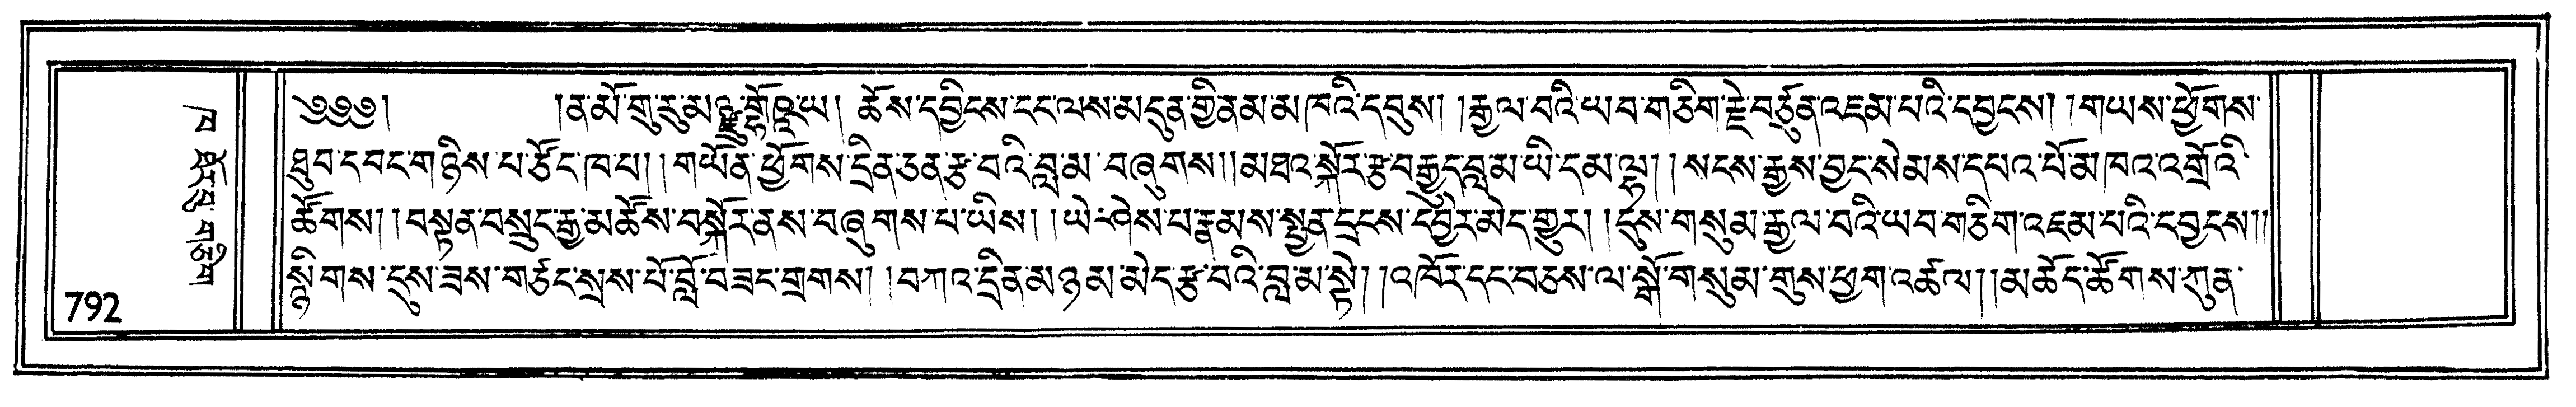༄༅༅། །ན་མོ་གུ་རུ་མཉྫུ་གྷོཥཱ་ཡ། ཆོས་དབྱིངས་དང་ལས་མདུན་གྱི་ནམ་མཁའི་དབུས། །རྒྱལ་བའི་ཡབ་གཅིག་རྗེ་བཙུན་འཇམ་པའི་དབྱངས། །གཡས་ཕྱོགས་
ཐུབ་དབང་གཉིས་པ་ཙོང་ཁ་པ། །གཡོན་ཕྱོགས་དྲིན་ཅན་རྩ་བའི་བླ་མ་བཞུགས། །མཐའ་སྐོར་རྩ་བརྒྱུད་བླ་མ་ཡི་དམ་ལྷ། །སངས་རྒྱས་བྱང་སེམས་དཔའ་བོ་མཁའ་འགྲོའི་
ཚོགས། །བསྟན་བསྲུང་རྒྱ་མཚོས་བསྐོར་ནས་བཞུགས་པ་ཡིས། །ཡེ་ཤེས་པ་རྣམས་སྤྱན་དྲངས་དབྱེར་མེད་གྱུར། །དུས་གསུམ་རྒྱལ་བའི་ཡབ་གཅིག་འཇམ་པའི་དབྱངས། །
སྙིགས་དུས་ཟས་གཙང་སྲས་པོ་བློ་བཟང་གྲགས། །བཀའ་དྲིན་མཉམ་མེད་རྩ་བའི་བླ་མ་སྟེ། །འཁོར་དང་བཅས་ལ་སྒོ་གསུམ་གུས་ཕྱག་འཚལ། །མཆོད་ཚོགས་ཀུན་